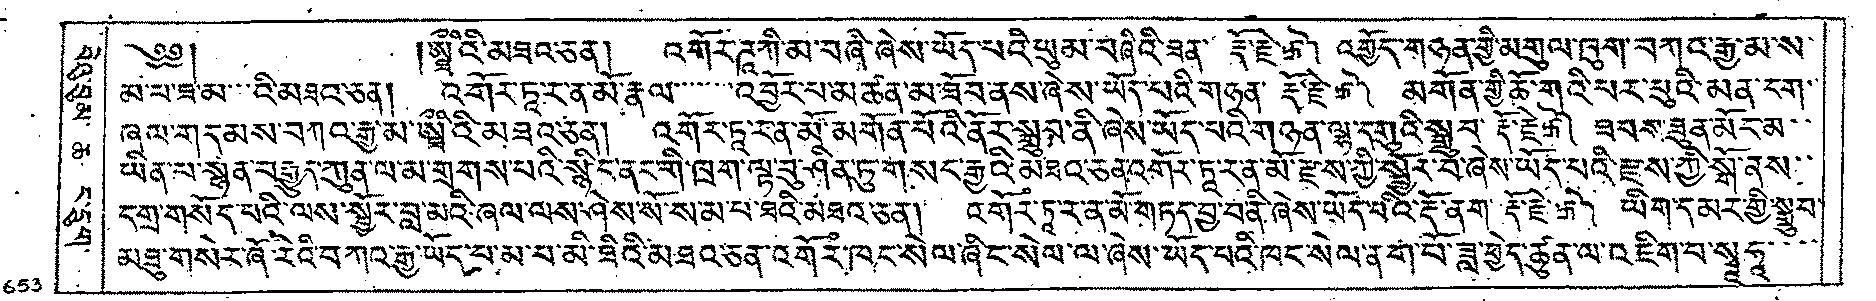༄༅། །ཨྀཐིའི་མཐའ་ཅན། འགོར་ཌཱ་ཀི་མ་བཞི་ཞེས་ཡོད་པའི་ཡུམ་བཞིའི་ཐན་རྡོ་རྗེ~྾?་འགྱོད་གཉན་གྱི་མགུལ་ཁུག་བཀའ་རྒྱ་མ་ས་
མ་པ་ཐ་མའི་མཐའ་ཅན། འགོར་ཏཱ་ར་ན་མོ་རྣལ་འབྱོར་པ་མཚན་མ་ཐོབ་ནས་ཞེས་ཡོད་པའི་གཉན་རྡོ་རྗེ~྾?་མགོན་གྱི་ཆོ་གའི་པར་པུའི་མན་ངག་
ཞལ་གདམས་བཀའ་རྒྱ་མ་ཨྀཐིའི་མཐའ་ཅན། འགོར་ཏཱ་ར་ན་མོ་མགོན་པོའི་ནོར་སྒྲུབ་ནི་ཞེས་ཡོད་པའི་གཉན་ལྷ་དགུའི་སྒྲུབ་རྡོ་རྗེ~྾?་ཐབས་ཐུན་མོང་མ་
ཡིན་པ་སྙན་བརྒྱུད་ཀུན་ལ་མ་གྲགས་པའི་སྙིང་ནང་གི་ཁྲག་ལྟ་བུ་ཤིན་ཏུ་གསང་རྒྱའི་མཐའ་ཅན་འགོར་ཏཱ་ར་ན་མོ་རྫས་ཀྱི་སྦྱོར་བ་ཞེས་ཡོད་པའི་རྫས་ཀྱི་སྒོ་ནས་
དགྲ་གསོད་པའི་ལས་སྦྱོར་བླ་མའི་ཞལ་ལས་ཤེས་སོ་ས་མ་པ་ཐའི་མཐའ་ཅན། འགོར་རཾ་ཏཱ་ར་ན་མོ་གཏད་བྱ་བ་ནི་ཞེས་ཡོད་པའི་རྡོ་ནག་རྡོ་རྗེ~྾?་ཡིག་དམར་གྱི་སྒྲུབ་
མཐུ་གསེར་ཞོ་རེའི་བཀའ་རྒྱ་ཡོད་པ་མ་པ་མི་ཐིའི་མཐའ་ཅན་འགོར་རཾ་ཁང་སེལ་ཞིང་སེལ་ལ་ཞེས་ཡོད་པའི་ཁང་སེལ་ནག་པོ་ཟླ་ཕྱེད་ཚུན་ལ་འཇིག་པ་སྭཱཧཱ་